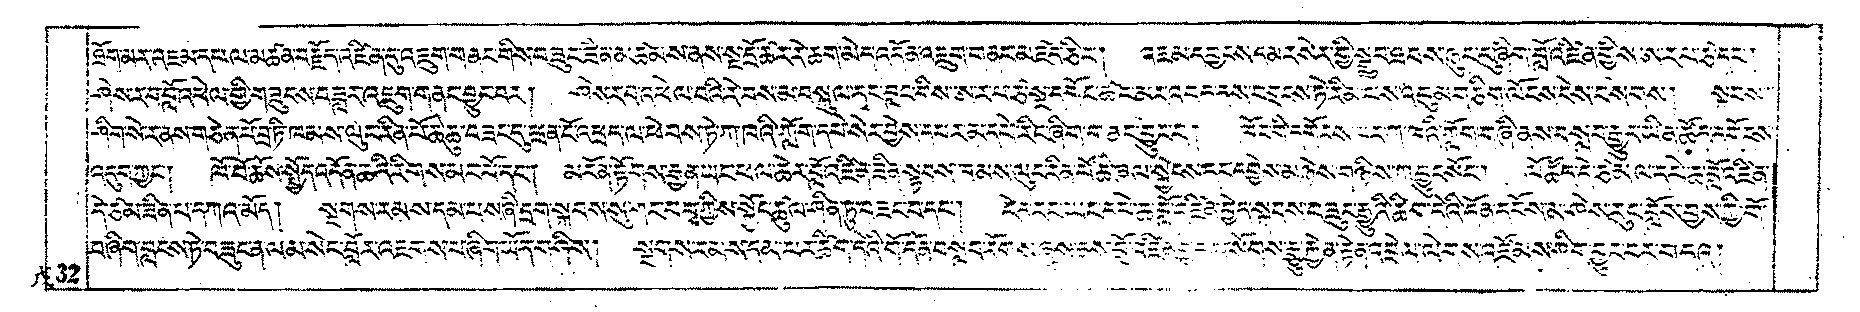ཐོག་མར་འཇམ་དཔལ་མཚན་བརྗོད་འཛིན་དུ་འཇུག་གནང་གིས་བཟུང་ཟིན་མཚམས་ནས་སྔ་དྲོ་ཚར་རེ་ཆག་མེད་འདོན་འཇུག་གནང་མཛད་ཅིང་། འཇམ་དབྱངས་དམར་སེར་གྱི་སྒྲུབ་ཐབས་ཉུང་དུ་ཞིག་བློ་འཛིན་གྱིས་ཨ་ར་པ་ཙ་དང་།
ཤེས་རབ་བློ་འཕེལ་གྱི་གཟུངས་བཟླར་འཇུག་གནང་བྱུང་བར། ཤེས་རབ་འཕེལ་བའི་རེ་བས་མ་བསྐུལ་དྭང་བླང་གིས་ཨ་ར་པ་ཙ་སྔ་དགོང་ཚང་མར་འབད་ནས་བགྲངས་ཏེ་རིམ་པས་འབུམ་གཅིག་ལོངས་ངེས་བསགས། སྐབས་
ཤིག་སེ་ར་ནས་གཅེན་པོ་བྲ་ཏི་ཁམས་ལུང་རིན་པོ་ཆེ་ཆུ་བཟང་དུ་ཕྲན་ངོ་འཕྲད་ལ་ཕེབས་ཏེ་ཀ་ཁའི་ཀློག་དཔེ་སེར་བྱེས་དཔར་མ་དཔེ་རིང་ཞིག་གནང་བྱུང་བ། ཁོང་གི་དགོངས་པར་ཀ་ཁའི་ཀློག་གཞི་ནས་བསླབ་རྒྱུར་ཡིན་ཚོད་དགོངས་
འདུག་ཀྱང་། ཁོ་བོ་ཆོས་སྤྱོད་འདོན་ཆའི་རིགས་མང་པོ་དང་། མངོན་རྟོགས་རྒྱན་ཡང་ཕལ་ཆེར་བློ་འཛིན་ཟིན་སྟབས་ཁམས་ལུང་རིན་པོ་ཆེ་ཞལ་སྐྱེངས་དང་དགྱེས་མཉེས་གཉིས་ཀ་བྱུང་སོང་། ལོ་ཚོད་དེ་ཙམ་ལ་དཔེ་ཆ་བློ་འཛིན་
དེ་ཙམ་ཟིན་པ་དཀའ་མོད། སྔགས་རམས་དམ་པས་ཞི་དྲག་སྐབས་སུ་གང་བབས་ཀྱིས་སྐྱོང་ཚུལ་ཤིན་ཏུ་བཟང་བ་དང་། ངེད་རང་ཡང་དཔེ་ཆ་བློ་འཛིན་བྱེད་སྐབས་བཟུང་རྒྱུའི་ཚིག་དེའི་དོན་དངོས་མ་ཤེས་རུང་བློས་བྱས་ཀྱི་གོ་
བ་ཞིག་བླངས་ཏེ་བཟུང་ན་ལམ་སེང་བློར་འཇགས་པ་ཞིག་ཡོད་གཤིས། སྔགས་རམས་དམ་པར་ཚིག་དེའི་གོ་དོན་བསླབ་རོགས་ཞུས་ནས་བློ་འཛིན་བྱེད་པ་སོགས་རྒྱུ་རྐྱེན་རྟེན་འབྲེལ་ལེགས་འཛོམས་ཤིག་བྱུང་བར་གདའ།